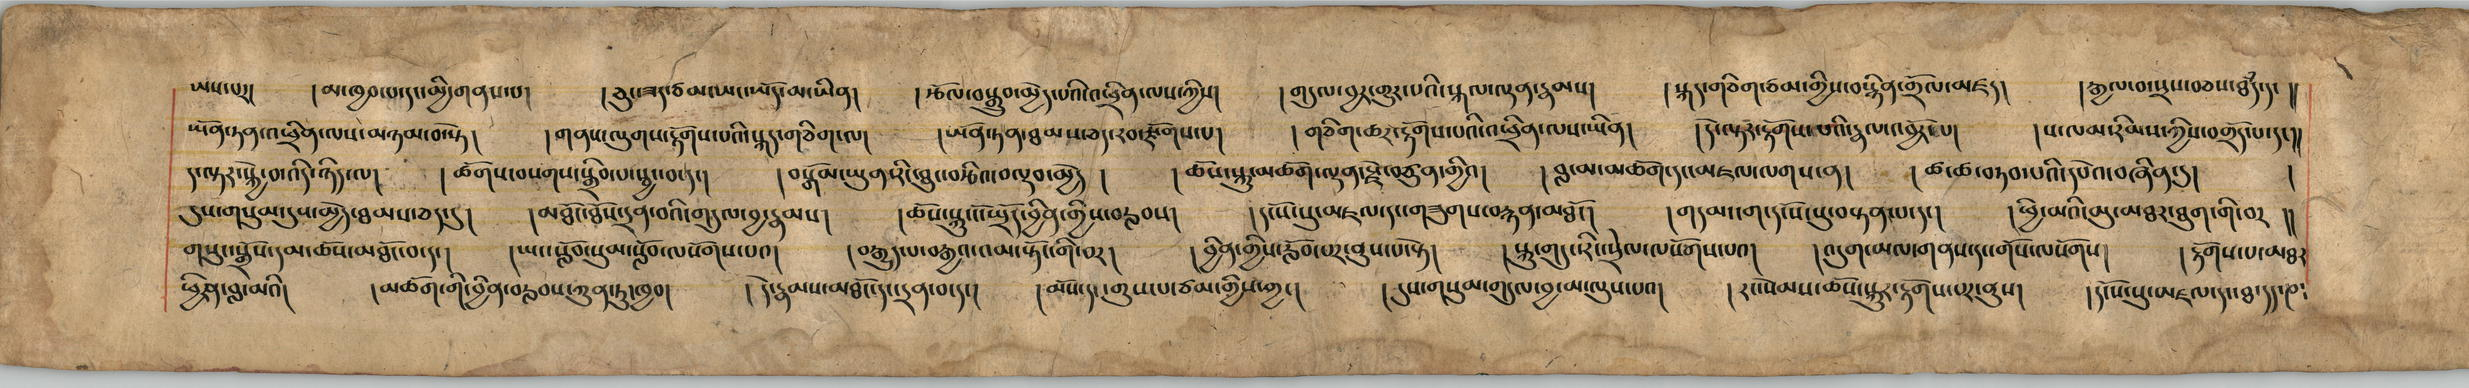ཡས་པར། །མ་ཁྱབ་པ་དང་མྱི་གནས་པ། །ཅུང་ཟད་ཙམ་ཡང་ཡོད་མ་ཡིན། །རྩོལ་བསྒྲུབ་མྱེད་པའི་འཕྲིན་ལས་ཀྱིས། །གདུལ་བྱར་གྱུར་པའི་སྐལ་ལྡན་རྣམས། །སྐད་གཅིག་ཙམ་གྱིས་བསྙིན་གྲོལ་མཛད། །རྒྱལ་བ་སྲས་བཅས་ཐཾད་དང །།
ཡོན་ཏན་འཕྲིན་ལས་མཉམ་བ་སྟེ། །གནས་ལུགས་རྟོགས་པའི་སྐད་གཅིག་ལ། །ཡོན་ཏན་ཐམས་ཅད་རབ་སྫོགས་པ། །གཅིག་ཆར་རྟོགས་པའི་འཕྲིན་ལས་ཡིན། །དེ་ལྟར་རྟོགས་པའི་རྣལ་འབྱོར་པ། །ས་ལམ་རིམས་ཀྱིས་བགྲོད་པ་དང།།
ད་ལྟར་སྐྱེ་བ་འདི་ཉིད་ལ། །ཚོགས་བསགས་སྒྲིབ་པ་སྦྱང་བ་དང། །བསྒོམ་ཡུན་རིང་ཐུང་བརྩིའ་བལྡབ་མྱེ ། །ཆོས་སྐུ་མཆོག་ལྡན་རྗེ་བཙུན་གྱིའ། །བླ་མ་མཆོག་དང་མཇལ་ལགས་ན། །ཚ་ཚ་བཏབ་པའི་དཔེའ་བཞིན་དུ།
དུས་གསུམ་དུས་མྱེད་ཐམས་ཅད་དུ། །མཐོང་ཐོས་དྲན་བའི་གདུལ་བྱ་རྣམས། །ཆོས་སྐུ་ངོ་སྤྲོད་བྱིན་གྱིས་བརླབས། །དངོས་སུ་མཇལ་དག་གཟུགས་བརྙན་མཐོང། །གདམ་ངག་དངོས་སུ་བསྟན་པ་དང། །ཕྱི་མའི་མུ་མཐར་ཐུག་གི་བར །།
གསུང་སྒྲོས་དམ་ཆོས་མཐོང་བ་དང། །ཡང་སློབ་སུམ་སློབ་ལསོགས་པའ། །བརྒྱུད་པ་བརྒྱའ་འམ་སྟོང་གི་བར། །བྱིན་གྱིས་རློབ་པར་ནུས་པ་སྟེ། །སྐུ་གདུང་རིང་སྲེལ་ལསོགས་པའ། །འདུག་མལ་གནས་དང་གོས་ལསོགས། །རྟོགས་པ་མཐར
ཕྱིན་བླ་མའི། །མཆོག་གི་བྱིན་བརླབས་ཀུན་ཏུ་ཁྱབ། ། དེ་རྣམས་མཐོང་དང་དྲན་བ་དང། །མོས་དང་གུས་པ་ཙམ་གྱིས་ཀྱང། ། དུས་གསུམ་གདུལ་བྱ་མ་ལུས་པའ། །རང་སེམས་ཆོས་སྐུར་རྟོགས་པར་ནུས། །དངོས་སུ་མཇལ་དང་ཐ་དད་ཎ༴